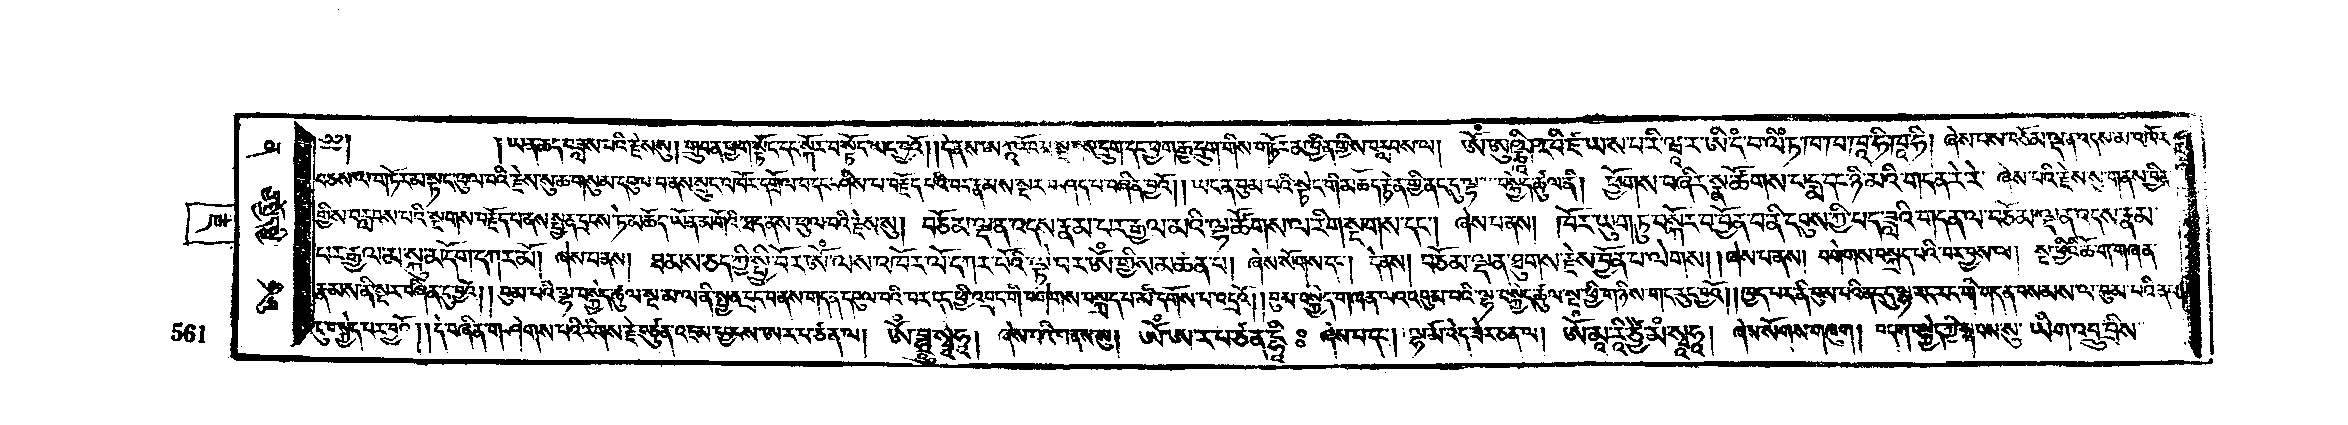༄༅། །ཡན་ཆད་བཟླས་པའི་རྗེས་སུ། གྲུབ་ན་ཕྱག་སྟོང་དང་སྐོར་བ་སྟོང་ཡང་བྱའོ། །དེ་ནས་ཨ་ཀཱ་རོའམ་སྔགས་དྲུག་དང་ཕྱག་རྒྱ་དྲུག་གིས་གཏོར་མ་བྱིན་གྱིས་བརླབས་ལ། ཨོཾ་ཨུཥྞཱི་ཥ་བི་ཛ་ཡ་ས་པ་རི་ཝཱ་ར་ཨི་དཾ་བ་ལིཾ་ཏ་ཁ་ཁ་ཁཱ་ཧི་ཁཱ་ཧི། ཞེས་པས་བཅོམ་ལྡན་འདས་མ་འཁོར་
བཅས་ལ་གཏོར་མ་སྟང་ཕུལ་བའི་རྗེས་སུ་ཆ་གསུམ་དབུལ་བ་ནས་སྲུང་འཁོར་དགྲོལ་བ་དང་ཤིས་པ་བརྗོད་པའི་བར་རྣམས་སྔར་བཤད་པ་བཞིན་བྱའོ། །ཡང་ན་བུམ་པའི་སྟེང་གི་མཆོད་རྟེན་གྱི་ནང་དུ་ལྷ་བསྐྱེད་ཚུལ་ནི། ཕྱོགས་བཞིར་སྣ་ཚོགས་པདམ་དང་ཉི་མའི་གདན་རེ་རེ་ཞེས་པའི་རྗེས་སུ་གནས་བྱིན་
གྱིས་བརླབས་པའི་སྔགས་བརྗོད་པ་ནས་སྤྱན་དྲངས་ཏེ་མཆོད་ཡོན་མགོའི་ཐད་ནས་ཕུལ་བའི་རྗེས་སུ། བཅོམ་ལྡན་འདས་རྣམ་པར་རྒྱལ་མའི་ལྷ་ཚོགས་ལ་རིག་སྔགས་དང་། ཞེས་པ་ནས། ཁོར་ཡུག་ཏུ་བསྐོར་བ་བྱོན་པ་ནི་དབུས་ཀྱི་པད་ཟླའི་གདན་ལ་བཅོམ་ལྡན་འདས་རྣམ་
པར་རྒྱལ་མ་སྐུ་མདོག་དཀར་མོ། ཞེས་པ་ནས། ཐམས་ཅད་ཀྱི་སྤྱི་བོར་ཨོཾ་ལས་འཁོར་ལོ་དཀར་པོའི་ལྟེ་བར་ཨོཾ་གྱིས་མཚན་པ། ཞེས་སོགས་དང་། དེ་ནས། བཅོམ་ལྡན་ཐུགས་རྗེས་བྱོན་པ་ལེགས། །ཞེས་པ་ནས། བགེགས་བསྐྲད་པའི་བར་བྱས་ལ། སྔ་ཕྱིའི་ཆོ་ག་གཞན་
རྣམས་ནི་སྔར་བཞིན་དུ་བྱའོ། །བུམ་པའི་ལྷ་བསྐྱེད་ཚུལ་སྔ་མ་ལ་ནི་སྤྱན་དྲང་བ་ནས་གདན་དབུལ་བའི་བར་དང་ཕྱི་འབྲང་གི་བགེགས་བསྐྲད་པ་མི་དགོས་པ་འདྲའོ། །བུམ་བསྐྱེད་གཞན་ལའང་བུམ་པའི་ལྷ་བསྐྱེད་ཚུལ་སྔ་ཕྱི་གཉིས་གང་རུང་བྱའོ། །ཁྱད་པར་ནི་བུམ་པའི་ནང་དུ་ལྷ་རང་རང་གི་གདན་བསམས་ལ་བུམ་པའི་ནང་
དུ་བསྐྱེད་པར་བྱའོ། །དེ་བཞིན་གཤེགས་པའི་རིགས་རྗེ་བཙུན་འཇམ་དབྱངས་ཨ་ར་པ་ཙ་ན་ལ། ཨོཾ་བྷྲཱུཾ་སྭཱཧཱ། ཞེས་པའི་གནས་སུ། ཨོཾ་ཨ་ར་པ་ཙ་ན་དྷཱིཿ ཞེས་པ་དང་། ལྷ་མོ་འོད་ཟེར་ཅན་ལ། ཨོཾ་མཱ་རཱི་ཙྱཻ་མཾ་སྭཱཧཱ། ཞེས་སོགས་གཞུག །བདག་བསྐྱེད་ཀྱི་སྐབས་སུ་ཡིག་འབྲུ་བྲིས་